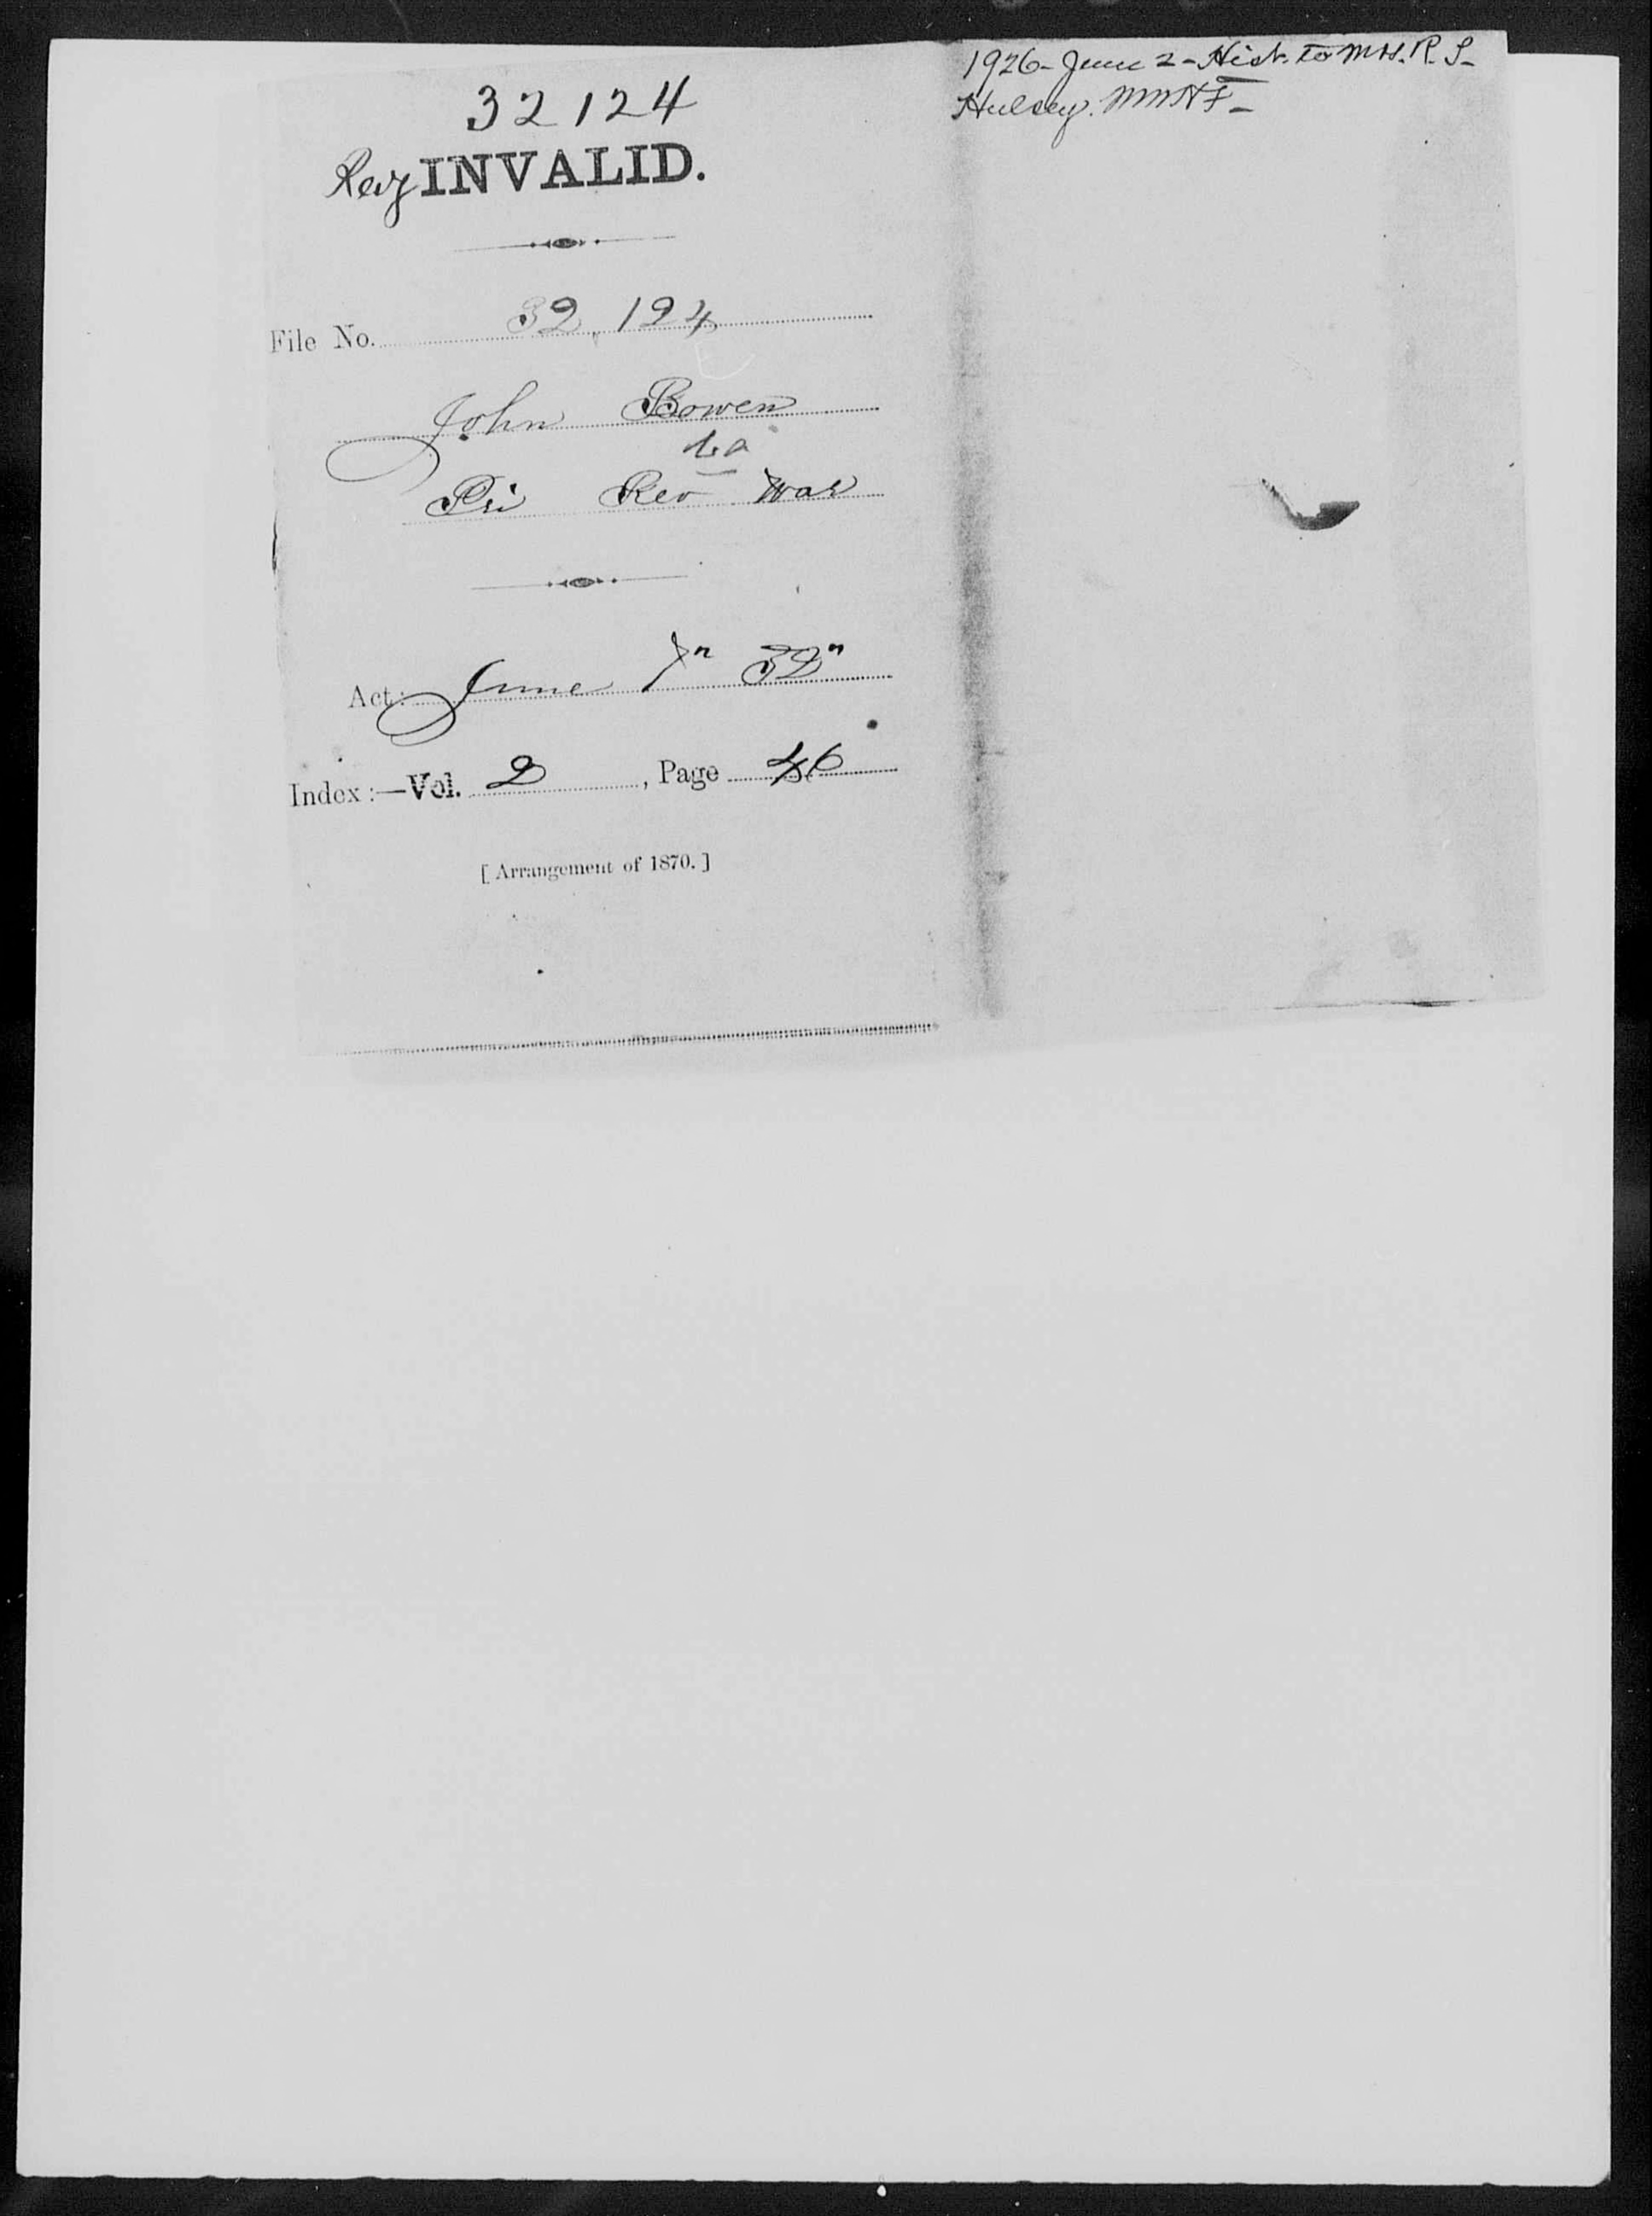32124
Revy INVALID

File No. 32,124
John Bowen, Ga
Pri[vate] Rev War

Act: June 7th 38"
Index:--Vol. 8, Page 46

[Arrangement of 1870.]

1926 June 2--Hist. to Mrs. R.T. Hulsey. MMNF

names: R T Hulsey, John Bowen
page: 14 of 20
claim: survivor's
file: S. 32,124, John Bowen, Va.